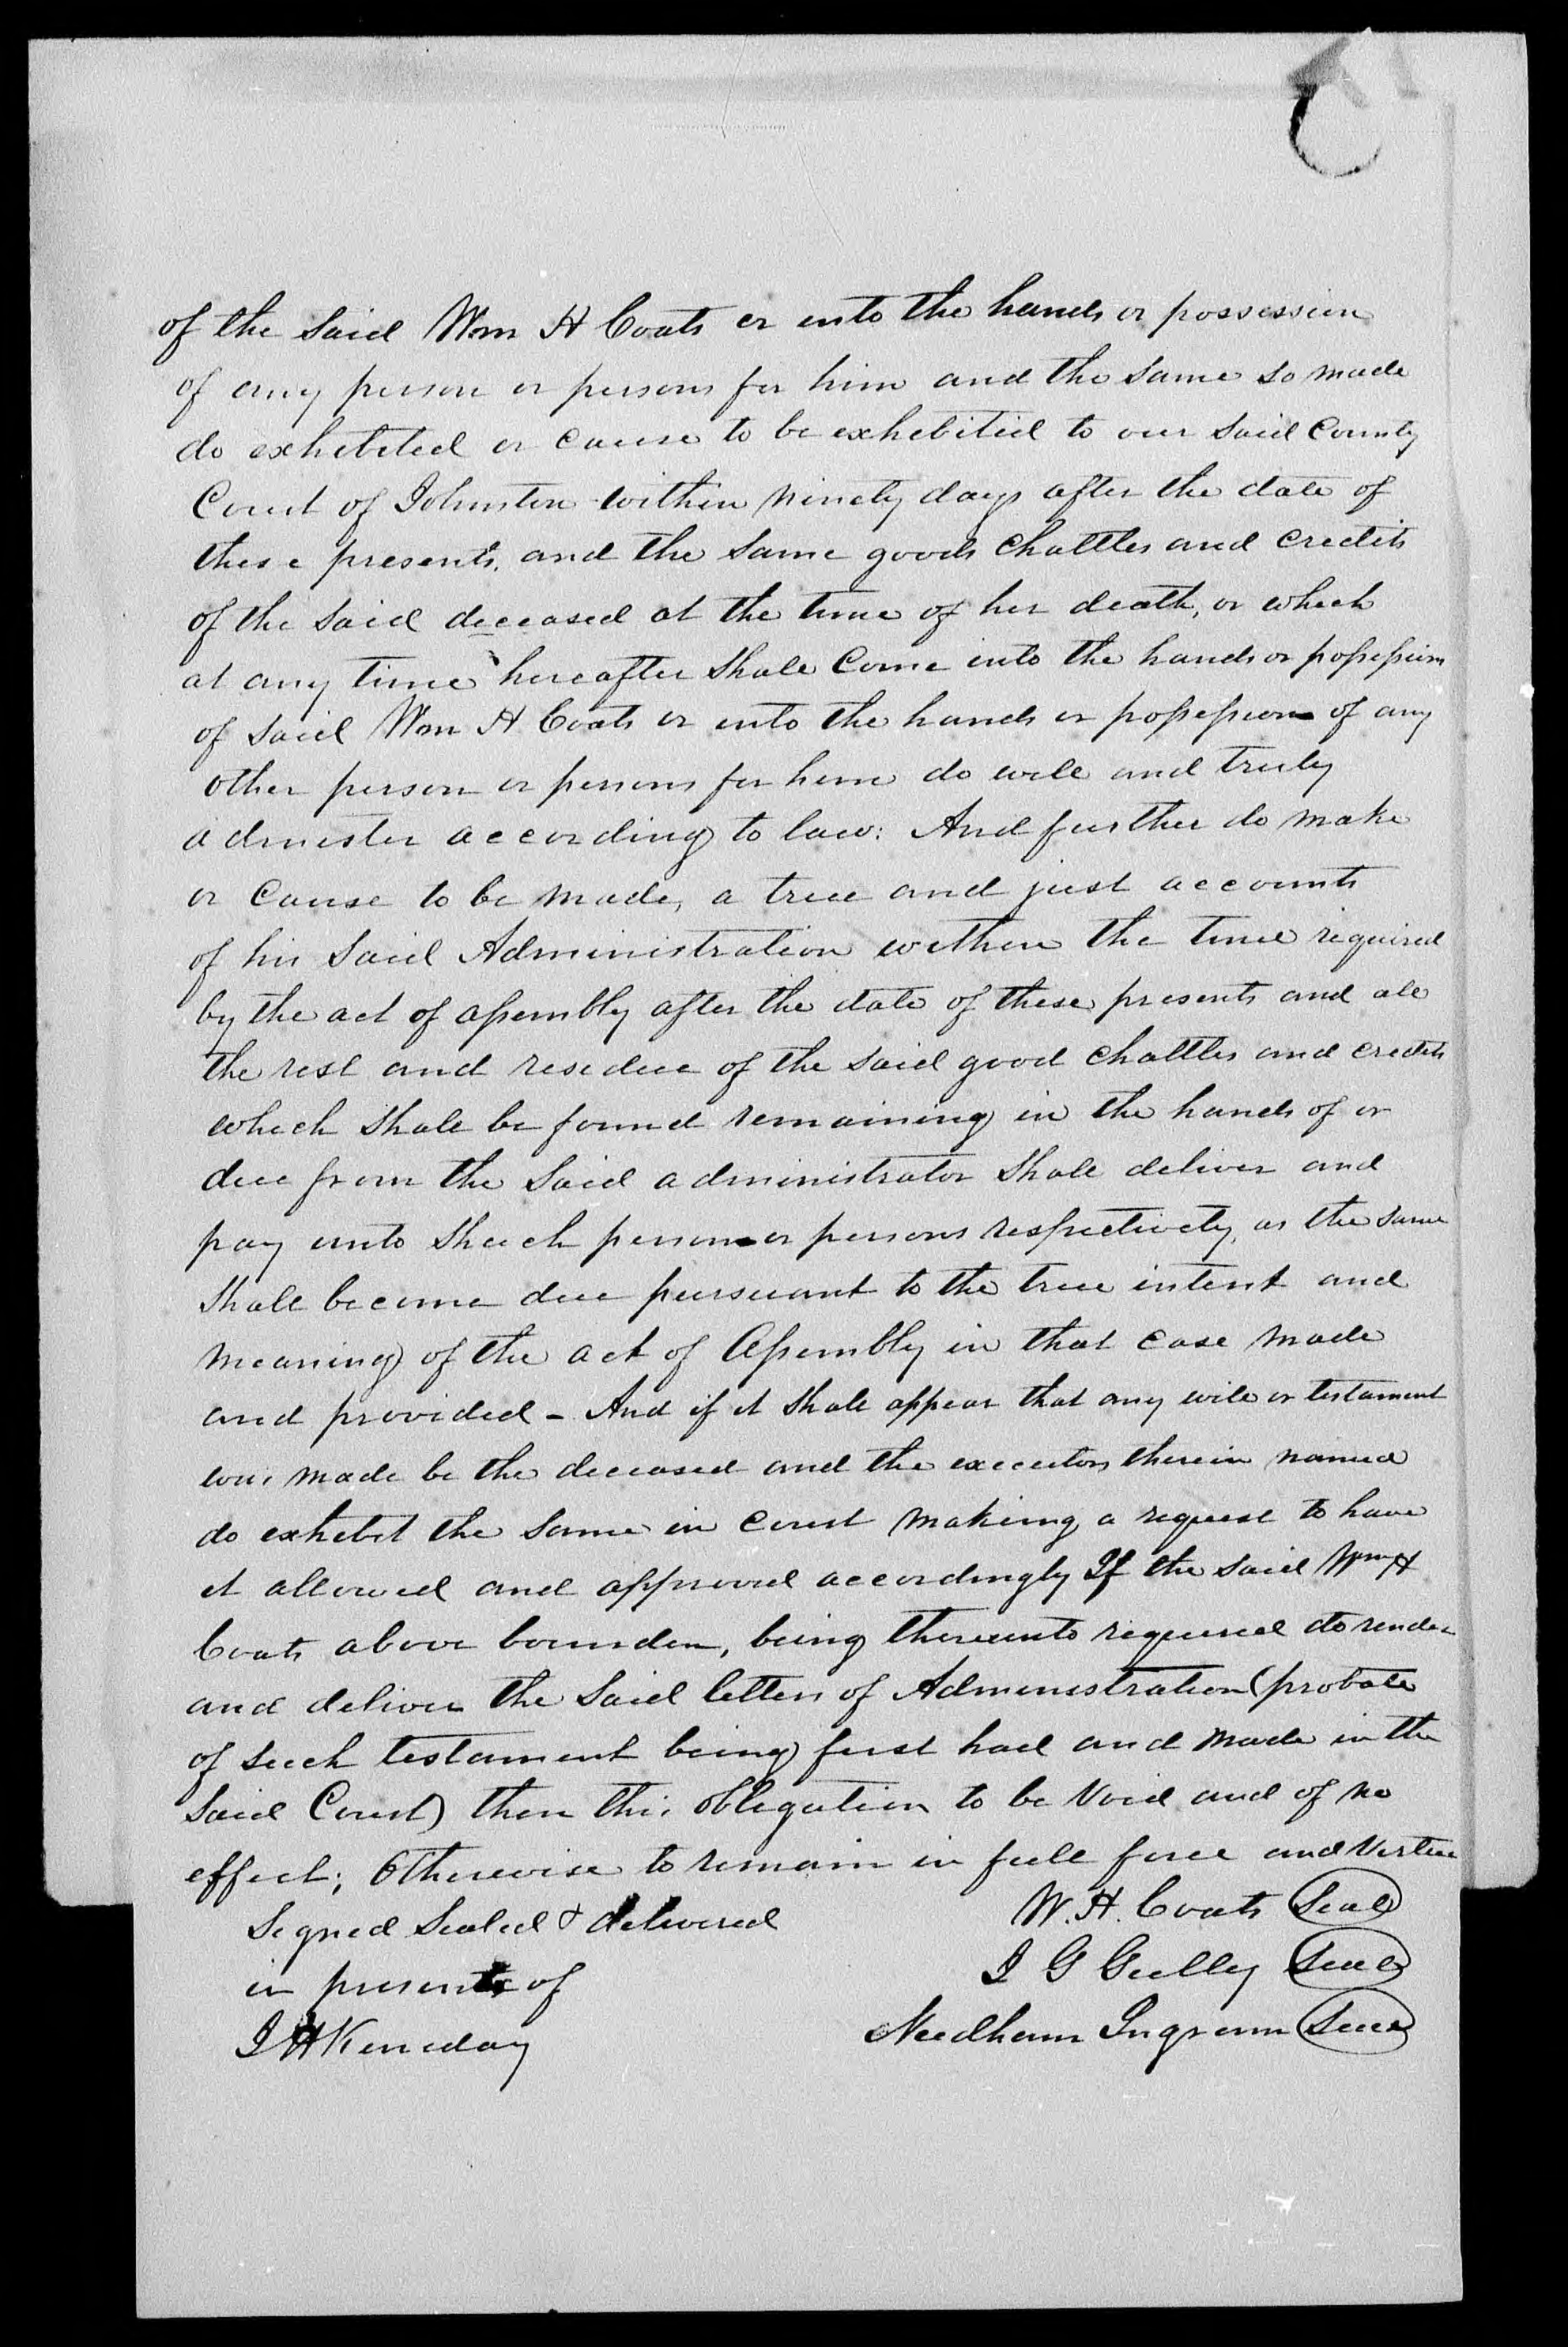of the said William H. Coats is into the hands or possession of any person or persons for him and the same so made do exhibited or cause to be exhibited to our said County Court of Johnston within ninety days after the day of these presents  and the same goods, chattels and credits of the said deceased at the time of her death, or which at any time hereafter shall come into the hands or possession of said William H. Coats or into the hands or possession or any other person or persons for him do will and truly administer according to law. And further do make or cause to be made, a true and just account of his said administration within the time required by the act of assembly after the date of these presents and all the rest and residue of the said good, chattels and credits which shall be found remaining in the hands of or due from the said administrator shall deliver and pay unto such persons respectively as the same shall become due pursuant to the true intent and meaning of the act of Assembly in the case made and provided - And if it shall appear that any will or testament was made by the deceased and the executors therein named do exhibit the same in court making a request to have it allowed and approved accordingly   If the said William H. Coats above bounden, being hereunto required do render and deliver the said letters of administration (probate of such testament being first had and made in the Said Court) then this obligation to be void and of no effect; otherwise to remain in full force and Virtue     
Signed, sealed and delivered in presence of J. H. Keneday
W. H. Coats [seal]
J. G. Gully  [seal]
Needham Ingram  [seal]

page: 67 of 74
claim: rejected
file: R. 5600, for Abel Johnson, North Carolina